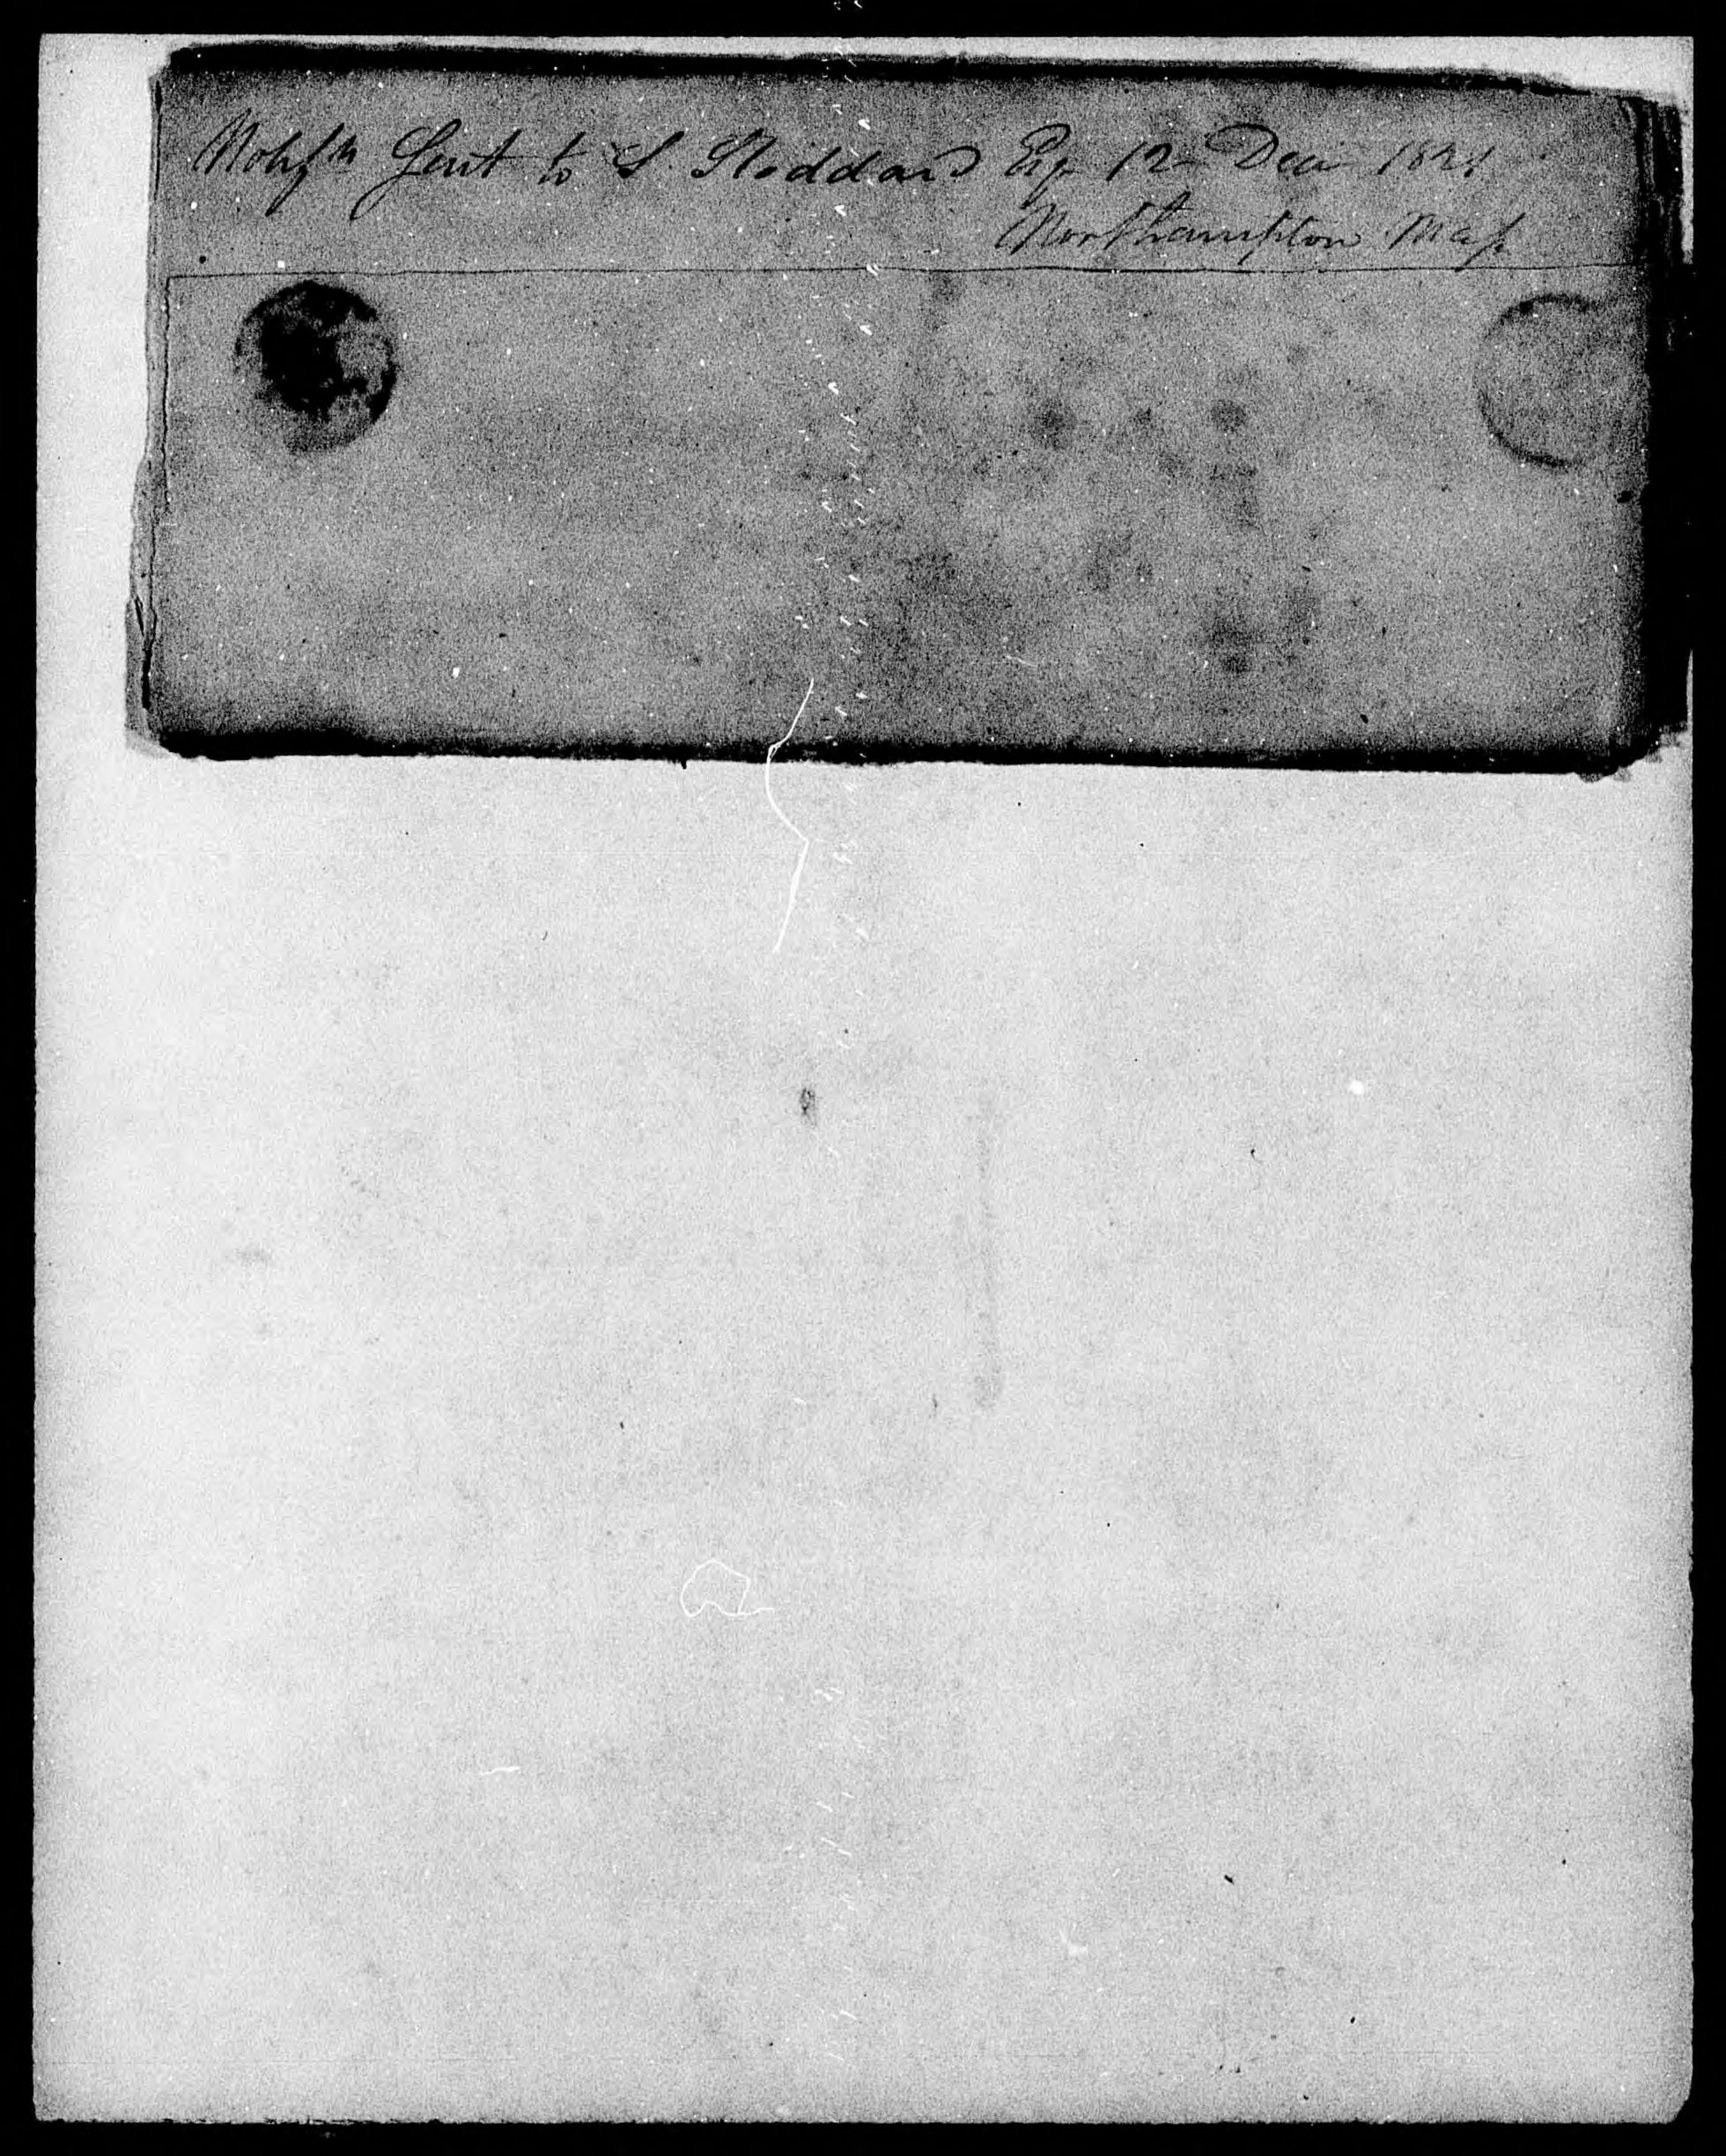Notif. sent to S. Stoddard Esq. 12 Dec. 1834
Northhampton, Mass.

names: S Stoddard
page: 3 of 12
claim: survivor's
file: S. 32796, Adam Hamilton, Penn.